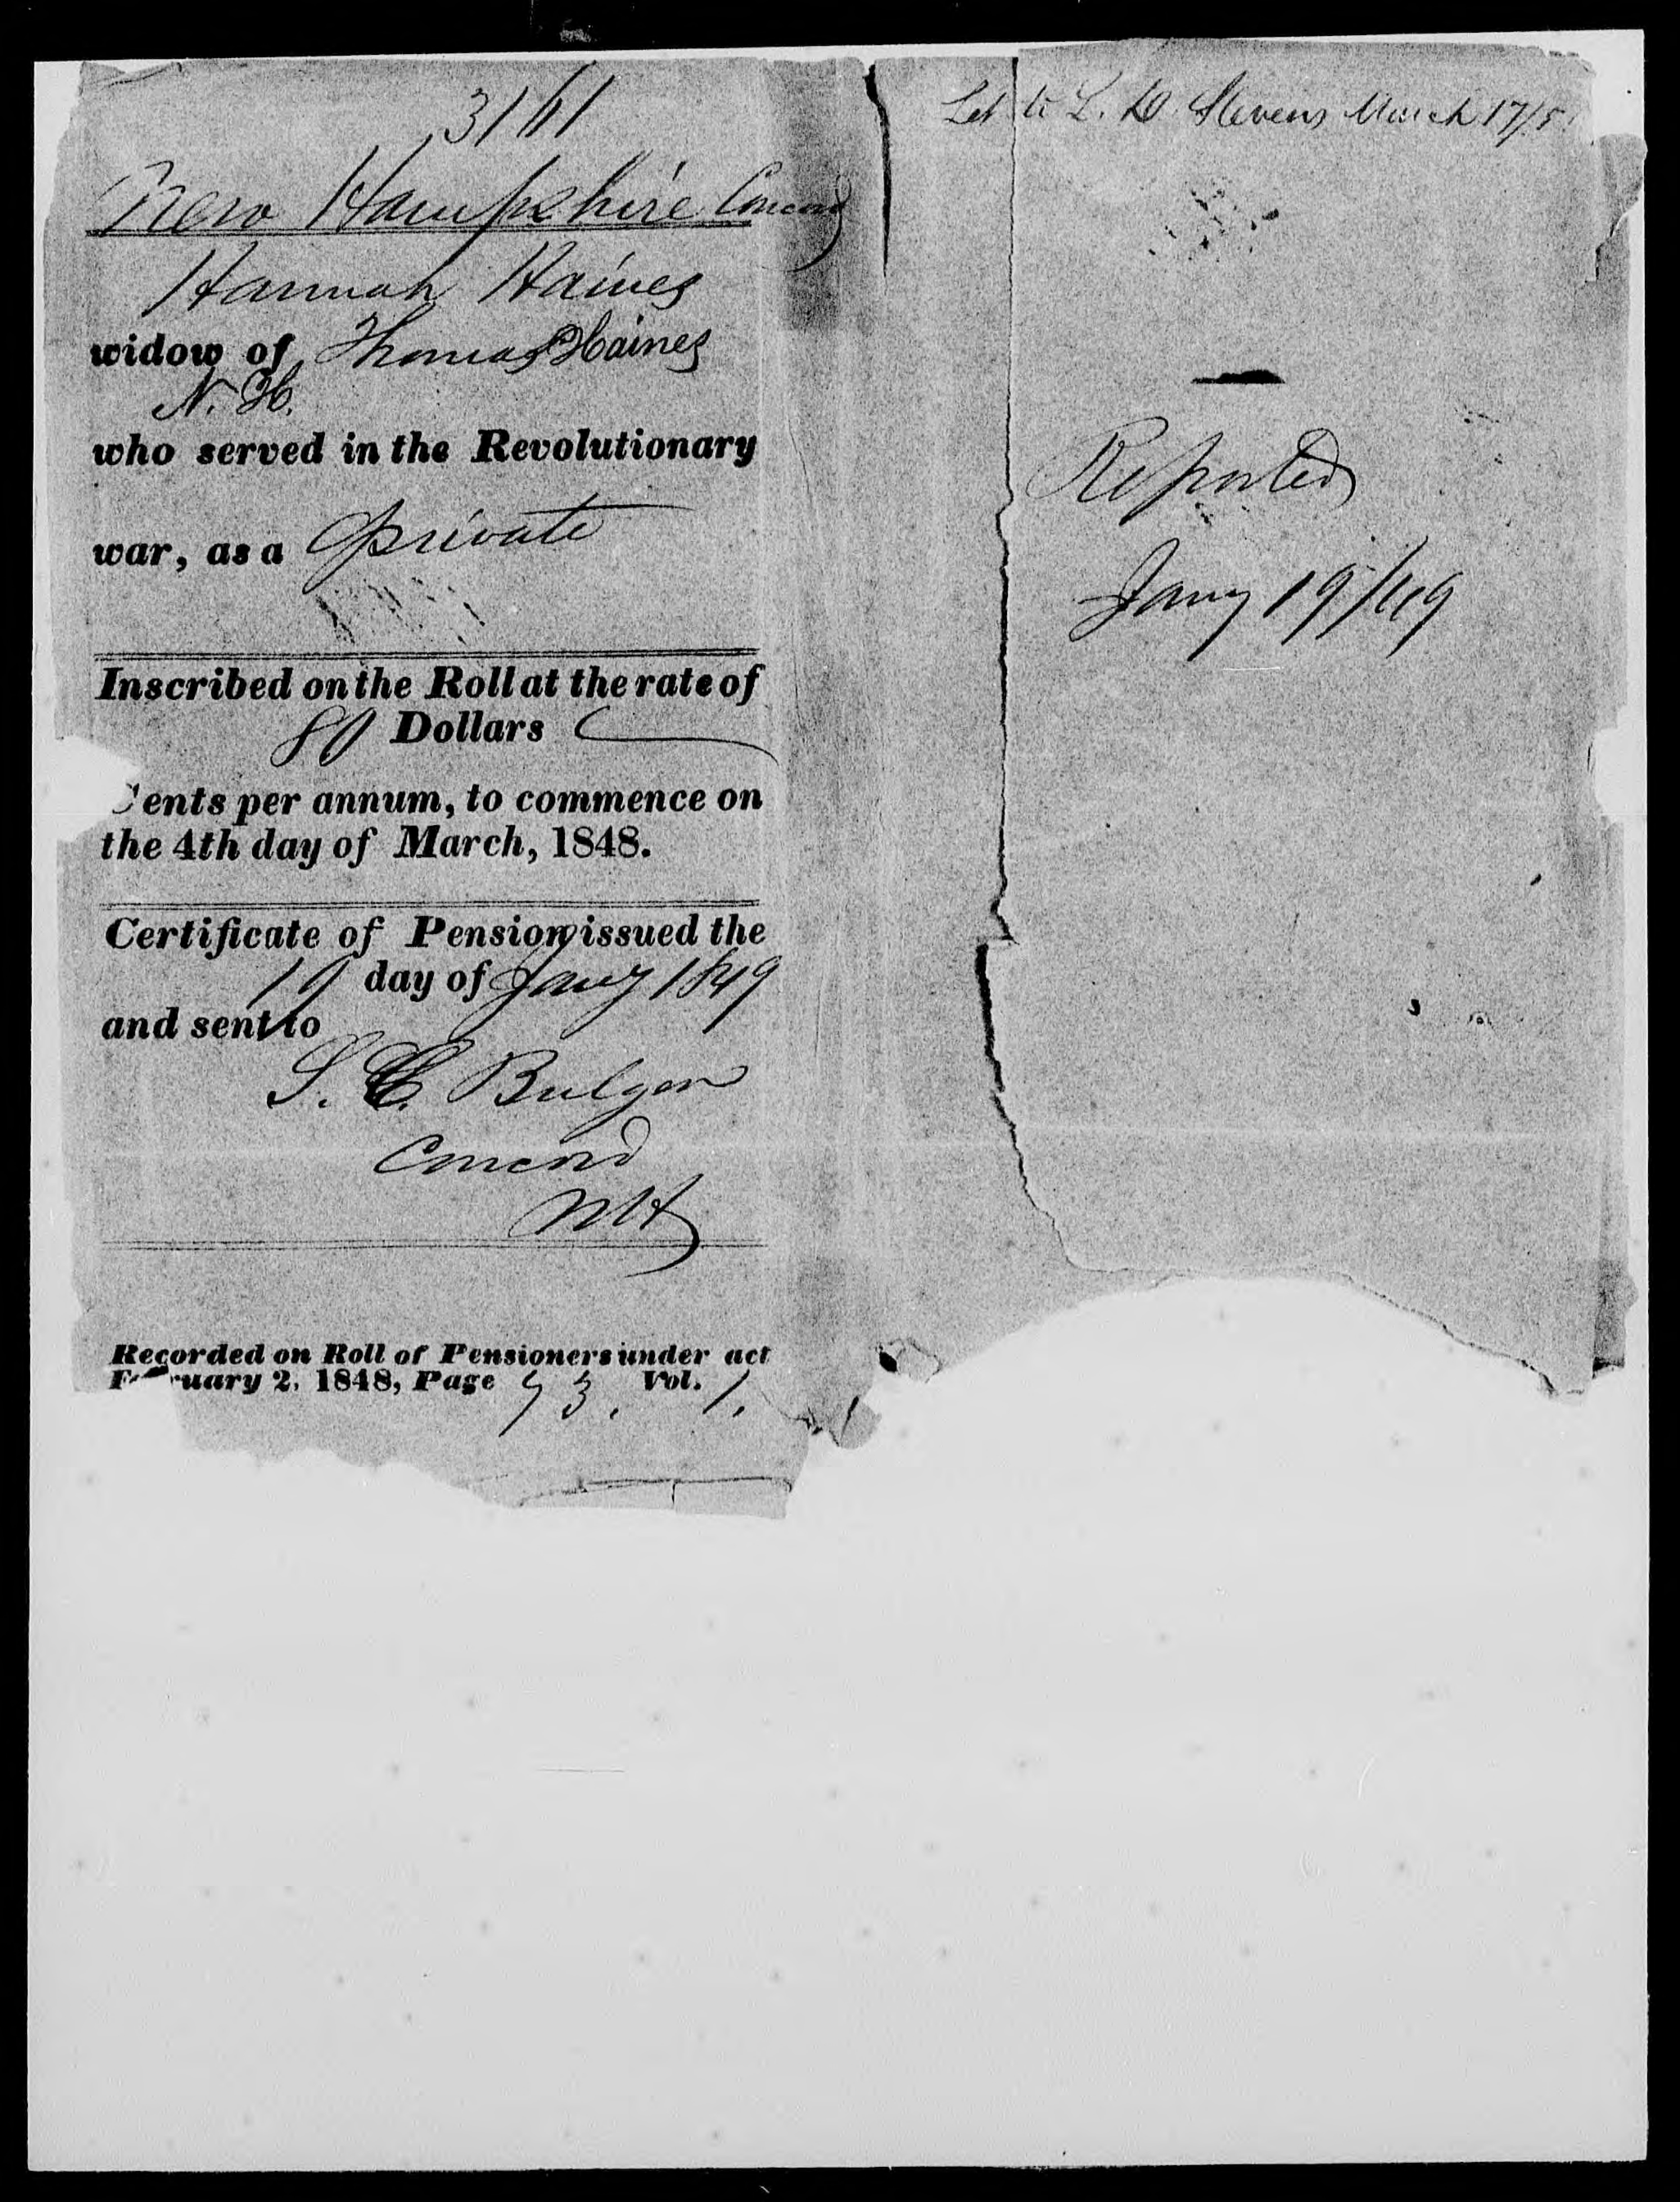31h1
New Hampshire Concord
Hannah Haines
widow of of Thomas Hames N.H.
who served in the Revolutionary war, as a private
Inscribed on the Roll at the rate of 80 Dollars
Cents per annum, to commence on
the 4th day of March, 1848.
Certificate of Pension issued the 19 day of Jany 1849 and sent to J. C. Bulger
Concord N.H.

Recorded on Roll of Pensioners under act February 2, 1848 Page 93 Vol. 1.

(facing page)
Let to L.D. Stevens March 17/5

Reported Jany 19/119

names: Hannah Haines, Thomas Haines, L D Stevens, S C Balger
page: 3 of 57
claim: widow's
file: W. 23217, Thomas Haines, N H